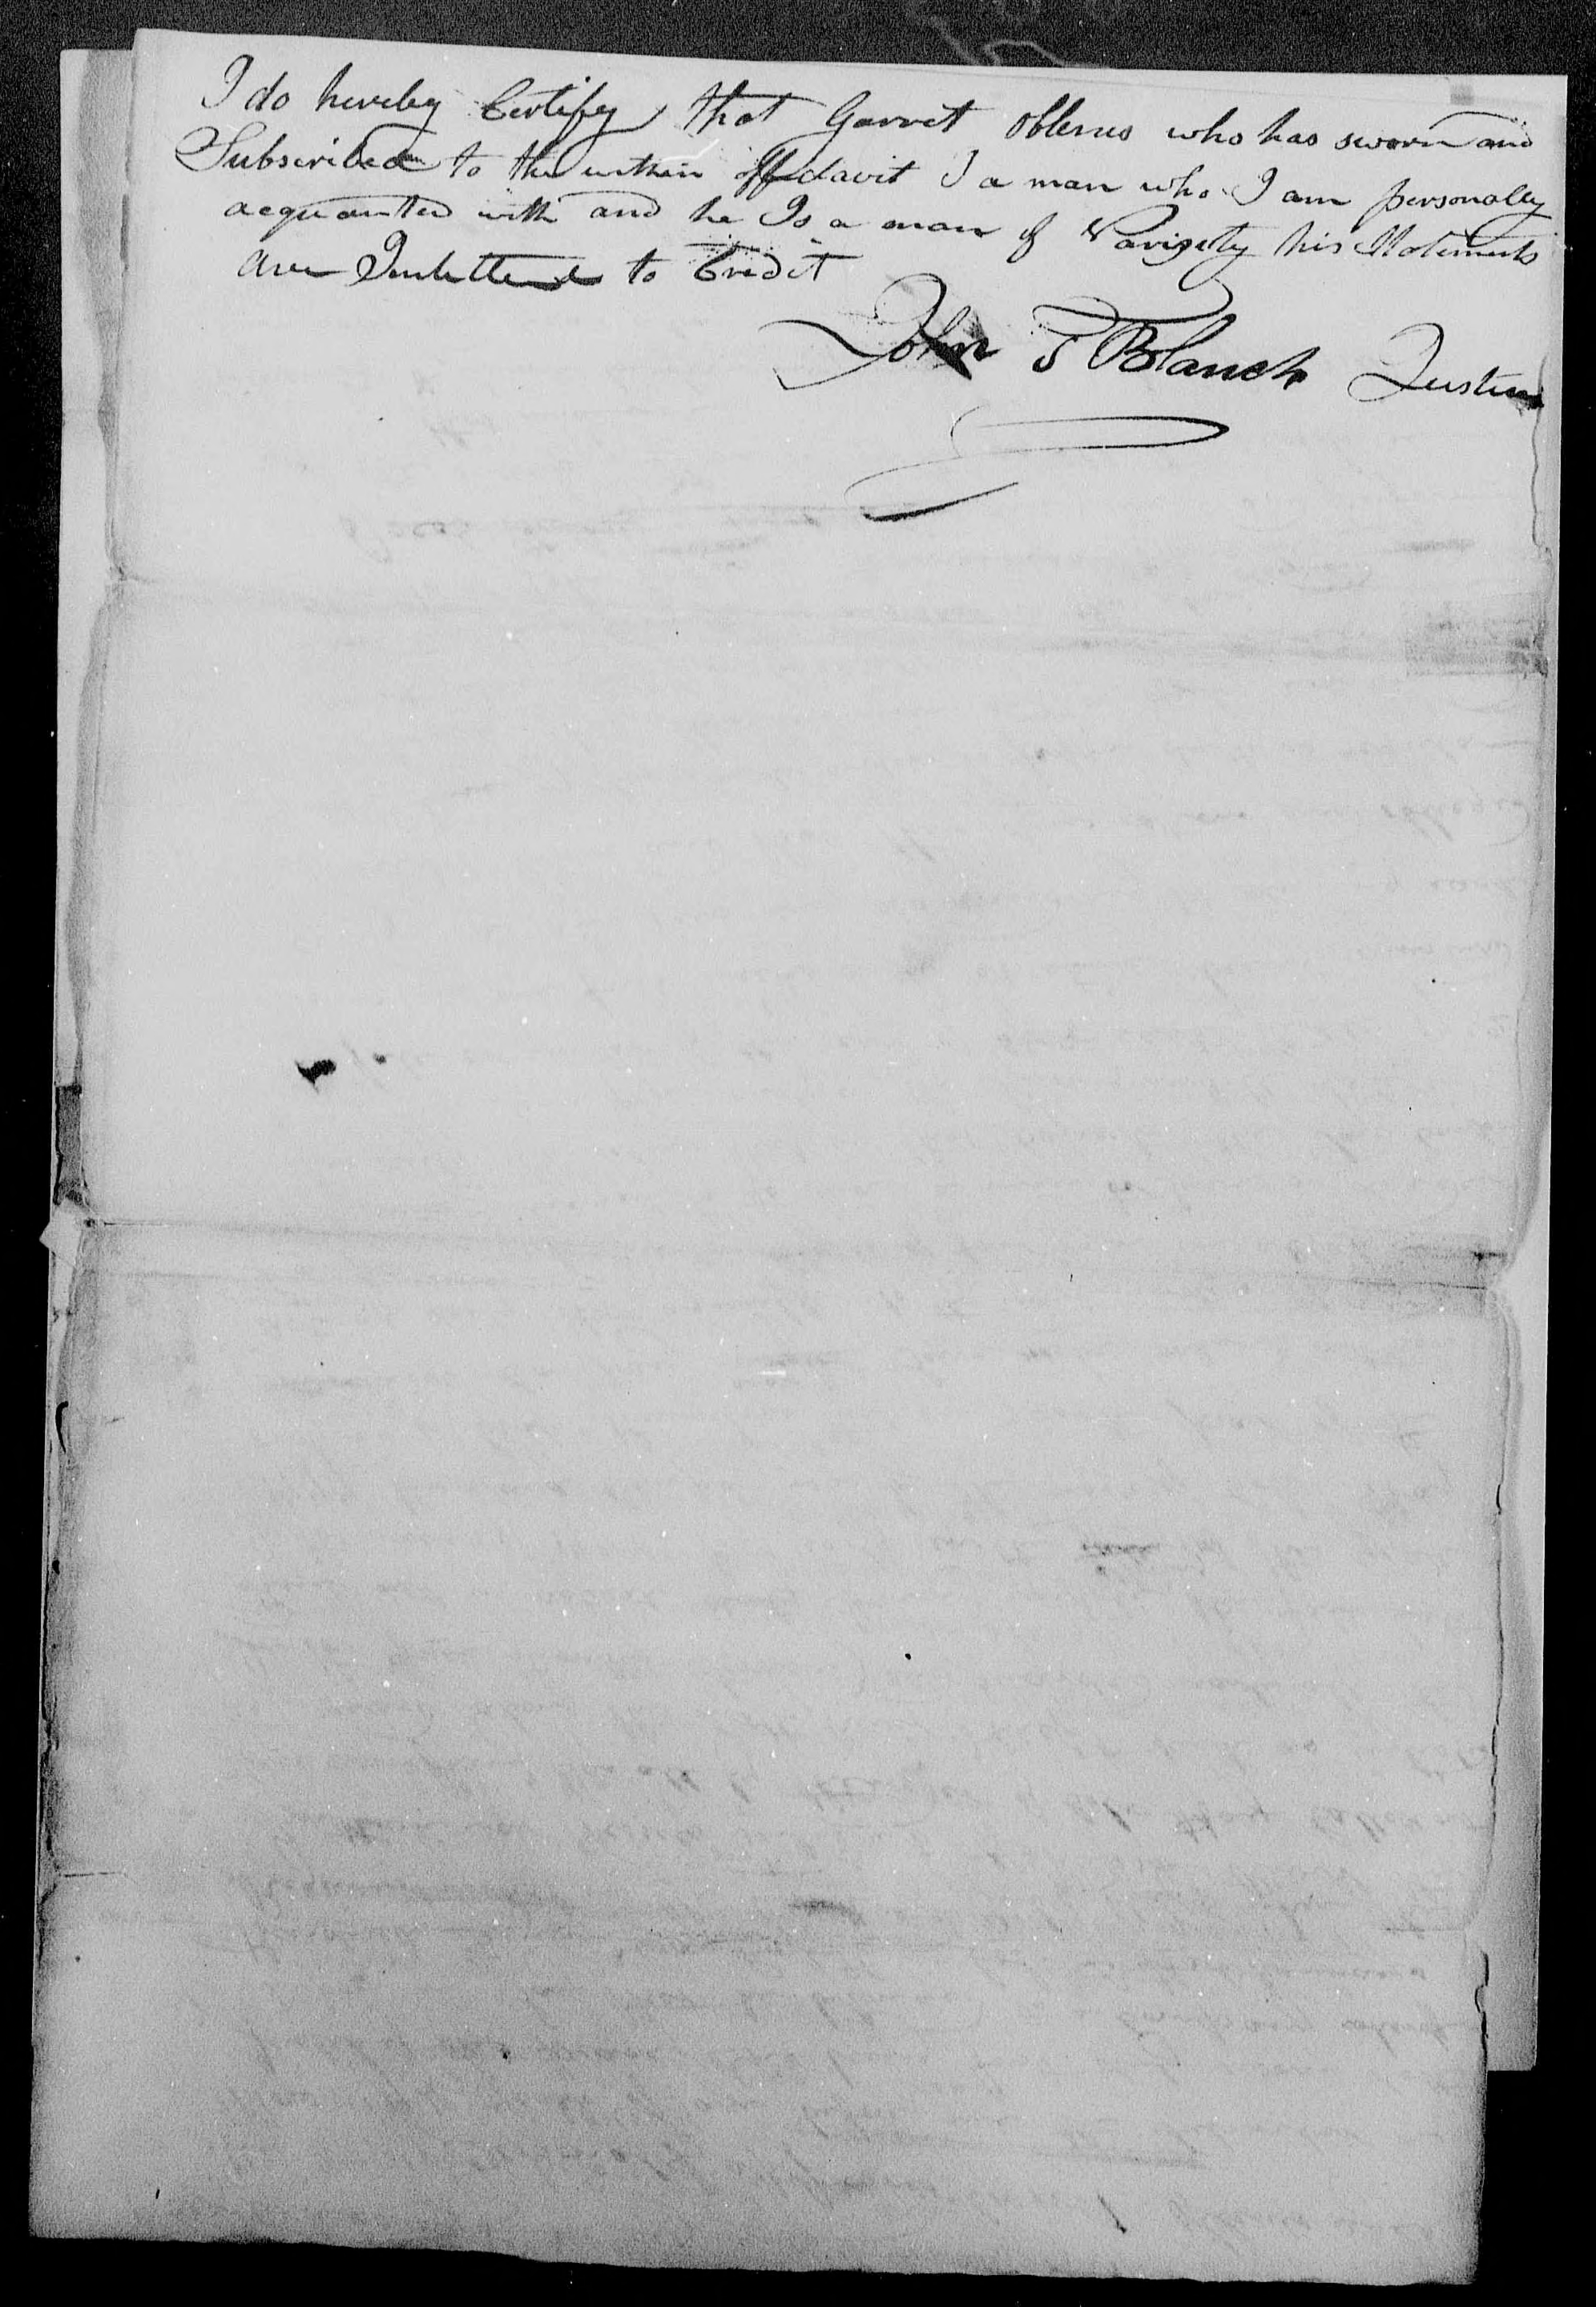I do hereby certify that Garret Oblenis who has sworn and Subscribed to the written affidavit I a man who I am personally acquainted with and he is a man of veracity his statements are [illegible] to credit
[signed] John T Blanch Justice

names: John T Blanch, Garret Oblenis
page: 16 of 33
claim: survivor's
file: S. 22,653, Harmanus Blauvelt, New York